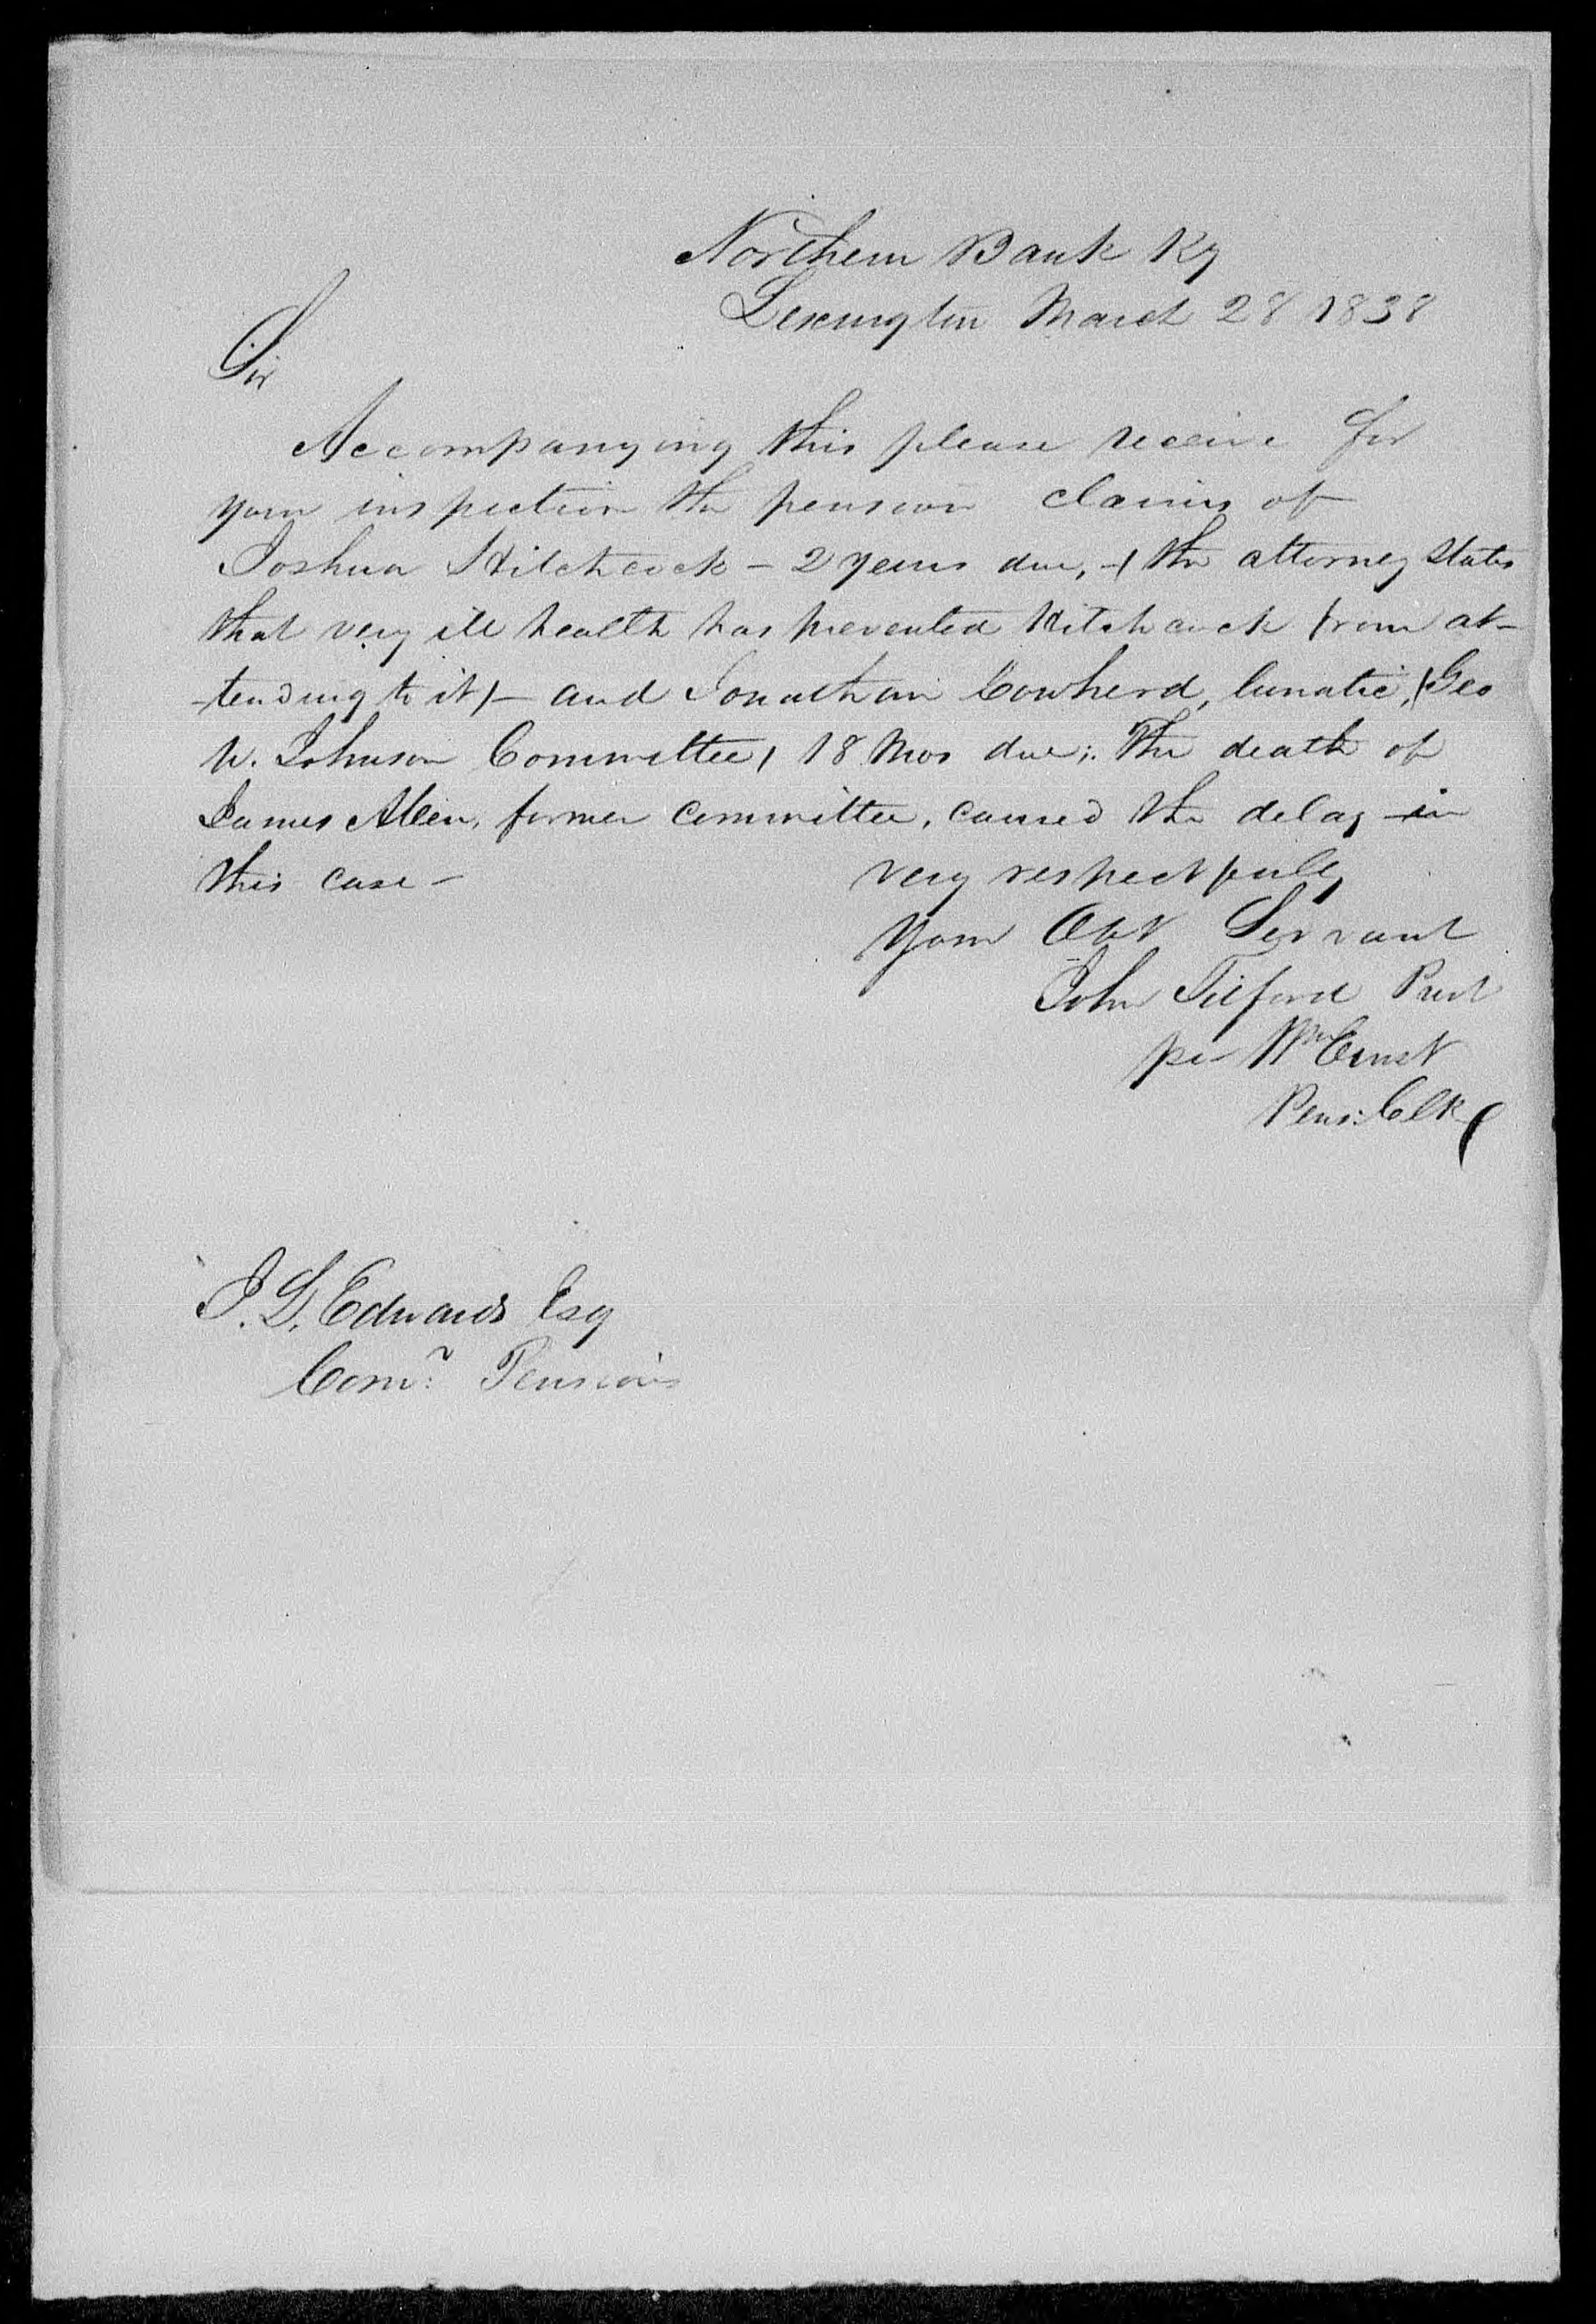Northern Bank Ky
Lexington March 28 1838
Sir
Accompanying this please receive for
your inspection the pension claims of
Joshua Hitchcock - 2 years due, the attorney states that very ill health has prevented Hitchcock from attending to it, and Jonathan Cowherd, lunatic, Geo W. Johnson Committee, 18 mos due; the death of James Allen former Committee, caused the delay in this case -
Very respectfully
Your Obt [Obedient] Servant
John Tilford Privt
per Wm Ernst
Pens: Clk [Pensions Clerk]

J.L. Edwards Esq
Comr [Commissioner] Penson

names: Wm Ernst, James Allen, John Tilford, Geo W Johnson, Jonathan Cowherd, Joshua Hitchcock, J L Edwards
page: 31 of 46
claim: widow's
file: W 8619, Jonathan Cowherd, Va.